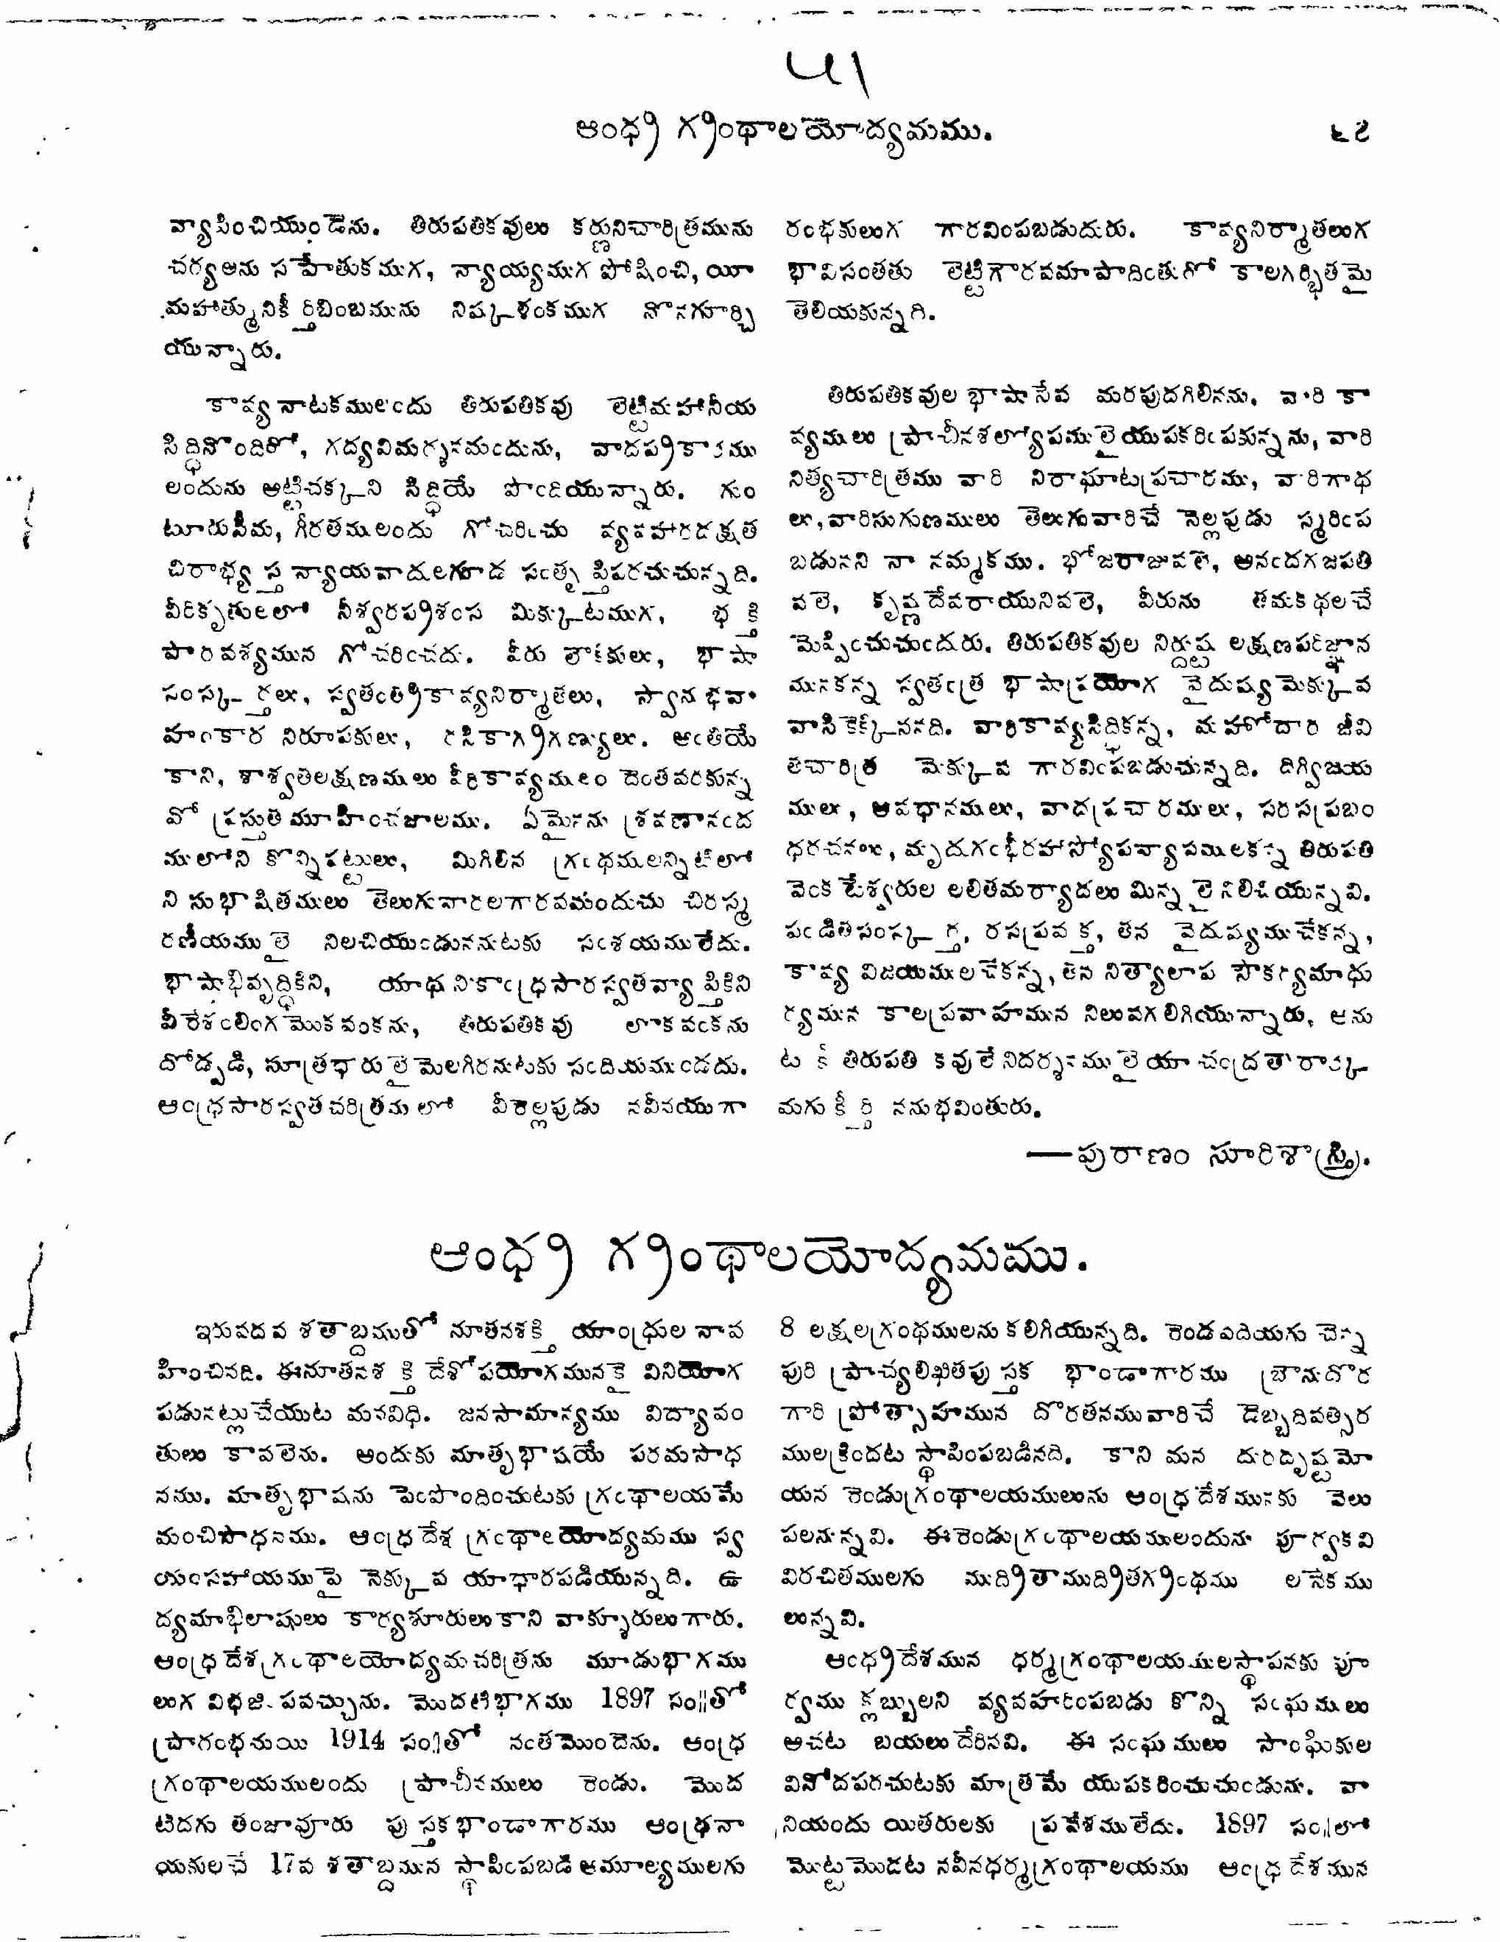వ్యాపించియుండెను. తిరుపతికవులు కర్ణుని చారిత్రమును చర్యఅను సహేతుకముగ, న్యాయ్యముగ పోషించి, యీ మహాత్ముని 
కీర్తిబింబమును నిష్కళంకముగ నొనగూర్చి యున్నారు.

కావ్య నాటకములందు తిరుపతికవు లెట్టిమహానీయసిద్ధినొందిరో, గద్యవిమర్శనమందును, వాదప్రకారములందును అట్టిచక్కని సిద్ధియే పొఁడియున్నారు. గంటూరుసీమ, గీరతములందు గోచరించు వ్యవహారదక్షత చిరాభ్యస్తన్యాయవాదఁగూడ సంతృప్తిపరచుచున్నది.
వీరికృతులలో నీశ్వరప్రశంస మిక్కుటముగ. భక్తి పారవశ్యమున గోచరించదు. వీరు లౌకికులు, భాషాసంస్కర్తలు, స్వతంత్ర కావ్య నిర్మాతలు, స్వానుభవాహ్వకార నిరూపకులు, రసికాగ్రగణ్యులు. ఆఁతియే కాని, శాశ్వతలక్షణములు వీరికావ్యములందెంతవరకున్నవో ప్రస్తుత మూహించజాలము. ఏమైనను శ్రవణానందములోని కొన్నిపట్టులు, మిగిలిన గ్రంధములన్నిటిలోని సుభాషితములు తెలుగువారల గారవమందుచు చిరస్మరణీయములై నిలచియుండుననుటకు సంశయములేదు. భాషాభివృద్ధికిని, యాథునికాఁధ్ర సారస్వతవ్యాప్తికిని వీరేశలింగమొకవంకను, తిరుపతికికవులొకవంకను దోడ్పడి, సూత్రధారులై మెలగిరనుటకు సందియముఁడదు.
ఆంధ్రసారస్వత చరిత్రములో వీరెల్లపుడు నవీనయుగా రంభకులుగ గౌరవింపబడుదురు. కావ్యనిర్మాతలుగ భావిసంతతు లెట్టి గౌరవమాపాదింతురో కాలగర్భితమై తెలియకున్నది.

తిరుపతికవుల భాషాసేవ మరపుదగిలినను, వారి కావ్యములు ప్రాచీనశల్యోపములై యుపకరింపకున్నను, వారి నిత్యచారిత్రము వారి నిరాఘాటప్రచారము, వారిగాధలు, వారిసుగుణములు తెలుగువారిచే నెల్లపుడు స్మరిఁపబడునని నా నమ్మకము. భోజరాజువలె, అనఁదగజపతివలె,కృష్ణదేవరాయునివలె, వీరును తమ కథలచే మెప్పించుచుఁదరు. తిరుపతికవులు నిర్దిష్ట లక్షణపరిజ్ఞానమునకన్న స్వతంత్ర భాషాప్రయోగ వైదుష్య మెక్కువ వాసికెక్కిననది. వారి కావ్యసిద్ధికన్న, మహోదార జీవితచారిత్ర వెక్కువ గౌరవింపబడు చున్నది. దిగ్విజయములు, అవధానములు, వాదప్రచారములు, సరిసప్రబంధరచనలు, మృదుగఁధీరహస్యోపవ్యాసములకన్న తిరుపతి
వెంకటేశ్వరుల లలితమర్యాదలు మిన్నలైనిలిచియున్నవి. పండితసంస్కర్త, రసప్రవక్త, తన వైదుష్యముచేకన్న, కావ్య విజయముల
చేకన్న, తన నిత్యాలాప సౌకర్యమాధుస్యమున కాలప్రవాహమున నిలువగలిగియున్నారు. ఆనుటకు తిరుపతి కవులే నిదర్శనములై 
యాచంద్రతారార్కమగు కీర్తి ననుభవింతురు.

ఇరువదవ శతాబ్దముతో నూతనశక్తి యాంధ్రుల నావహించినది. ఈనూతనశక్తి దేశోపయోగమునకై వినియోగ పడునట్లు చేయుట మనవిధి. జనసామాన్యము విద్యావంతులు కావలెను. అందుకు మాతృభాషయే పరమసాధనము. మాతృభాషను పెంపొందించుటకు గ్రంథాలయమే
మంచిపొధనము. ఆంధ్రదేశ గ్రంథాలయోద్యమము స్వయంసహాయముపై నెక్కువ యాధారపడియున్నది. ఉద్యమాభిలాషులు కార్యశూరులు కాని వాకుర్శలుగారుగారు. ఆంధ్రదేశ గ్రంథాలయోద్యమ చరిత్రను మూడుభాగములుగ విభజింపవచ్చును. మొదటి భాగము 1897 సం॥తో ప్రారంభనుయి 1914 సం॥తో నంతమొందెను. ఆంధ్రగ్రంథాలయములందు ప్రాచీనములు రెండు. మొదటీదగు తంజావూరు పుస్తక భాండాగారము ఆంధ్రనాయకులచే 17వ శతాబ్దమున స్థాపింపబడి ఆమూల్యములగు 8 లక్షల గ్రంథములను కలిగియున్నది. రెండవదియగు చెన్నపురి ప్రాచ్యలిఖితపుస్తక భాండాగారము బ్రౌనుదొరగారి ప్రోత్సాహమున దొరతనము వారిచే డెబ్బదివత్సరములక్రిందట స్థాపింపబడినది. కాని మన దురదృష్టమోయన రెండు గ్రంథాలయములును ఆంధ్రదేశమునకు వెలుపల నున్నవి. ఈ రెండు గ్రంథాలయములందునూ పూర్వకవి విరచితములగు ముద్రితా ముద్రితగ్రంధము లనేక ములున్నవి.

ఆంధ్ర దేశమున ధర్మగ్రంథాలయముల స్థాపనకు పూర్వము క్లబ్బులని వ్యవహరింపబడు కొన్ని సంఘములు అచట బయలుదేరినవి. 
ఈ సంఘములు సాంఘికుల వినోదపరచుటకు మాత్రమే యుపకరించుచుండును. నియందు యితరులకు ప్రవేశములేదు. 1897 సం॥లో
మొట్టమొదట నవీనధర్మగ్రంథాలయము ఆంధ్రదేశమున